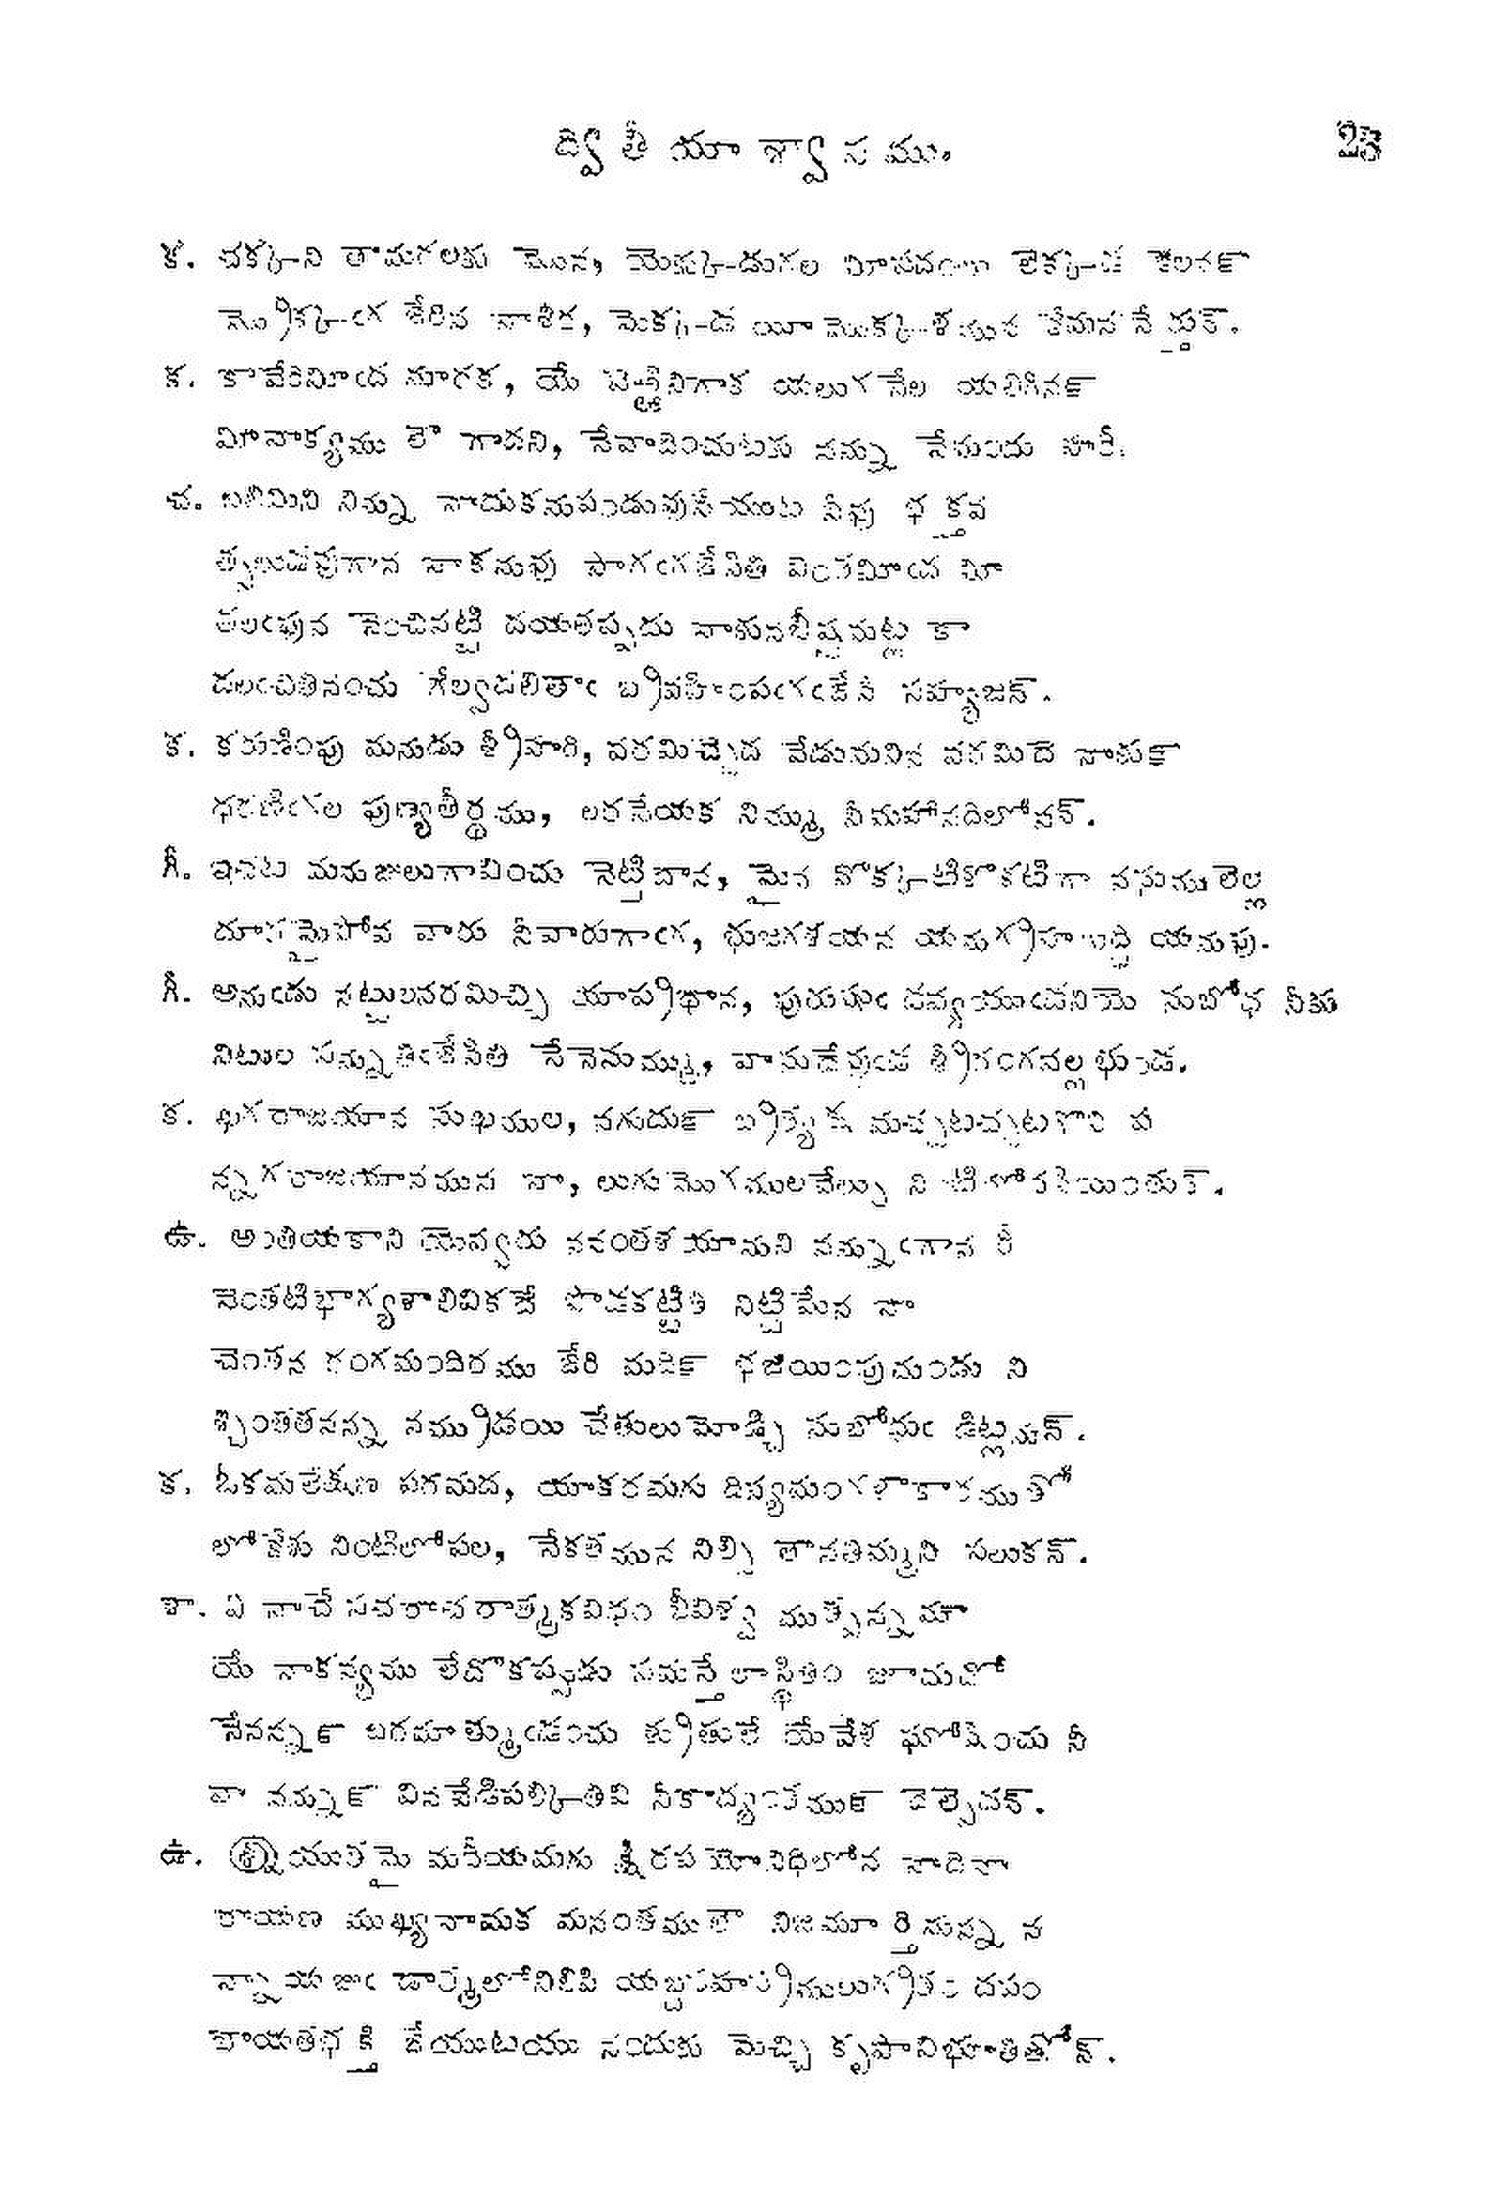క. చక్కని తామరలకు మొన, యెక్కుడుగల మీసదంబు లెక్కడ కెలనన్
 మ్రొక్కఁగ జేరిన నా శిర, మెక్కడ యీమొక్కళమున డేమన నేర్తున్.
క. కావేరిమీఁద నూరక, యే వెఱ్ఱినిగాక యలుగనేల యలిగినన్
 మీవాక్యము లౌ గాదని, నేవాదించుటకు నన్ను నేమందు హరీ.
చ. బలిమిని నిన్ను నాదుకనుపండువుసేయుట నీవు భక్తవ
 త్సలుఁడవుగాన నాకనువు సాగఁగజేసితి వింతమీఁద మీ
 తలఁపున నెంచినట్టి దయతప్పదు నాకు నభీష్ట మట్ల కా
 దలఁచితినంచు గేల్వదలితాఁ బ్రవహింపగఁజేసె సహ్యజన్.
క. కరుణింపు మనుడు శ్రీహరి, వరమిచ్చెద వేడుమనిక వరమిదె నాకున్
 ధరణిగల పుణ్యతీర్థము, లరసేయక నిమ్ము నీమహానదిలోనన్.
గీ. ఇచట మనుజులుగావించు నెట్టిదాన, మైన నొక్కటికొకటిగా నసుము లెల్ల
 దూరమైపోవ వారు నీవారు గాఁగ, భుజగశయన యనుగ్రహబుద్ధి యనుపు.
గీ. అనుఁడు నట్టులవర మిచ్చి యాప్రథాన, పురుషుఁ డవ్యయుఁ డనియె సుబోధ నీకు
 నిటుల సన్నుతిఁ జేసితి నేనెసుమ్ము, వాసుదేవుఁడ శ్రీరంగవల్లభుండ.
క. ఖగరాజయానసుఖముల, నగుదున్ బ్రత్యక్ష మచ్చటచ్చటగొని ప
 న్నగరాజయానమున నా, లుగుమొగములవేల్పు నింటిలో వసియింతున్.
ఉ. అంతియకాని యెవ్వరు ననంతశయానుని నన్నుఁగాన రీ
 నెంతటిభాగ్యశాలివికదే పొడకట్టితి నిట్టిమేన నా
 చెంతన రంగమందిరము జేరి మదిన్ భజియింపుచుండు ని
 శ్చింతతనన్న నమ్రుఁడయి చేతులు మోడ్చి సుబోధుఁ డిట్లనున్.
క. ఓకమలేక్షణ పరమద, యాకరమగు దివ్యమంగళాకారముతో
 లోకేశు నింటిలోపల, నేకతమున నిల్పి తానతిమ్మని పలుకన్.
శా. ఏ నాచే సచరాచరాత్మకవిధం బీవిశ్వ ముత్పన్నమౌ
 యే నాకన్యము లేదొకప్పుడు సమస్తేలాస్థితిం జూచుచో
 నేనన్నన్ బరమాత్ముఁడంచు శ్రుతులే యేవేళ ఘోషించు నీ
 వా నన్నున్ వినవేడిపల్కితివి నీకాద్యంతమున్ దెల్చెదన్.
ఉ. శ్రీయుతమై మదీయమగు క్షీరపయోనిధిలోన నాదినా
 రాయణ ముఖ్యనామక మనంతములౌ నిజమూర్తినున్న న
 న్నాయజుఁ డాత్మలో నిలిపి యబ్దసహస్రము లుగ్రతం దపం
 బాయతభక్తి జేయుటయు నందుకు మెచ్చి కృపావిభూతితోన్.